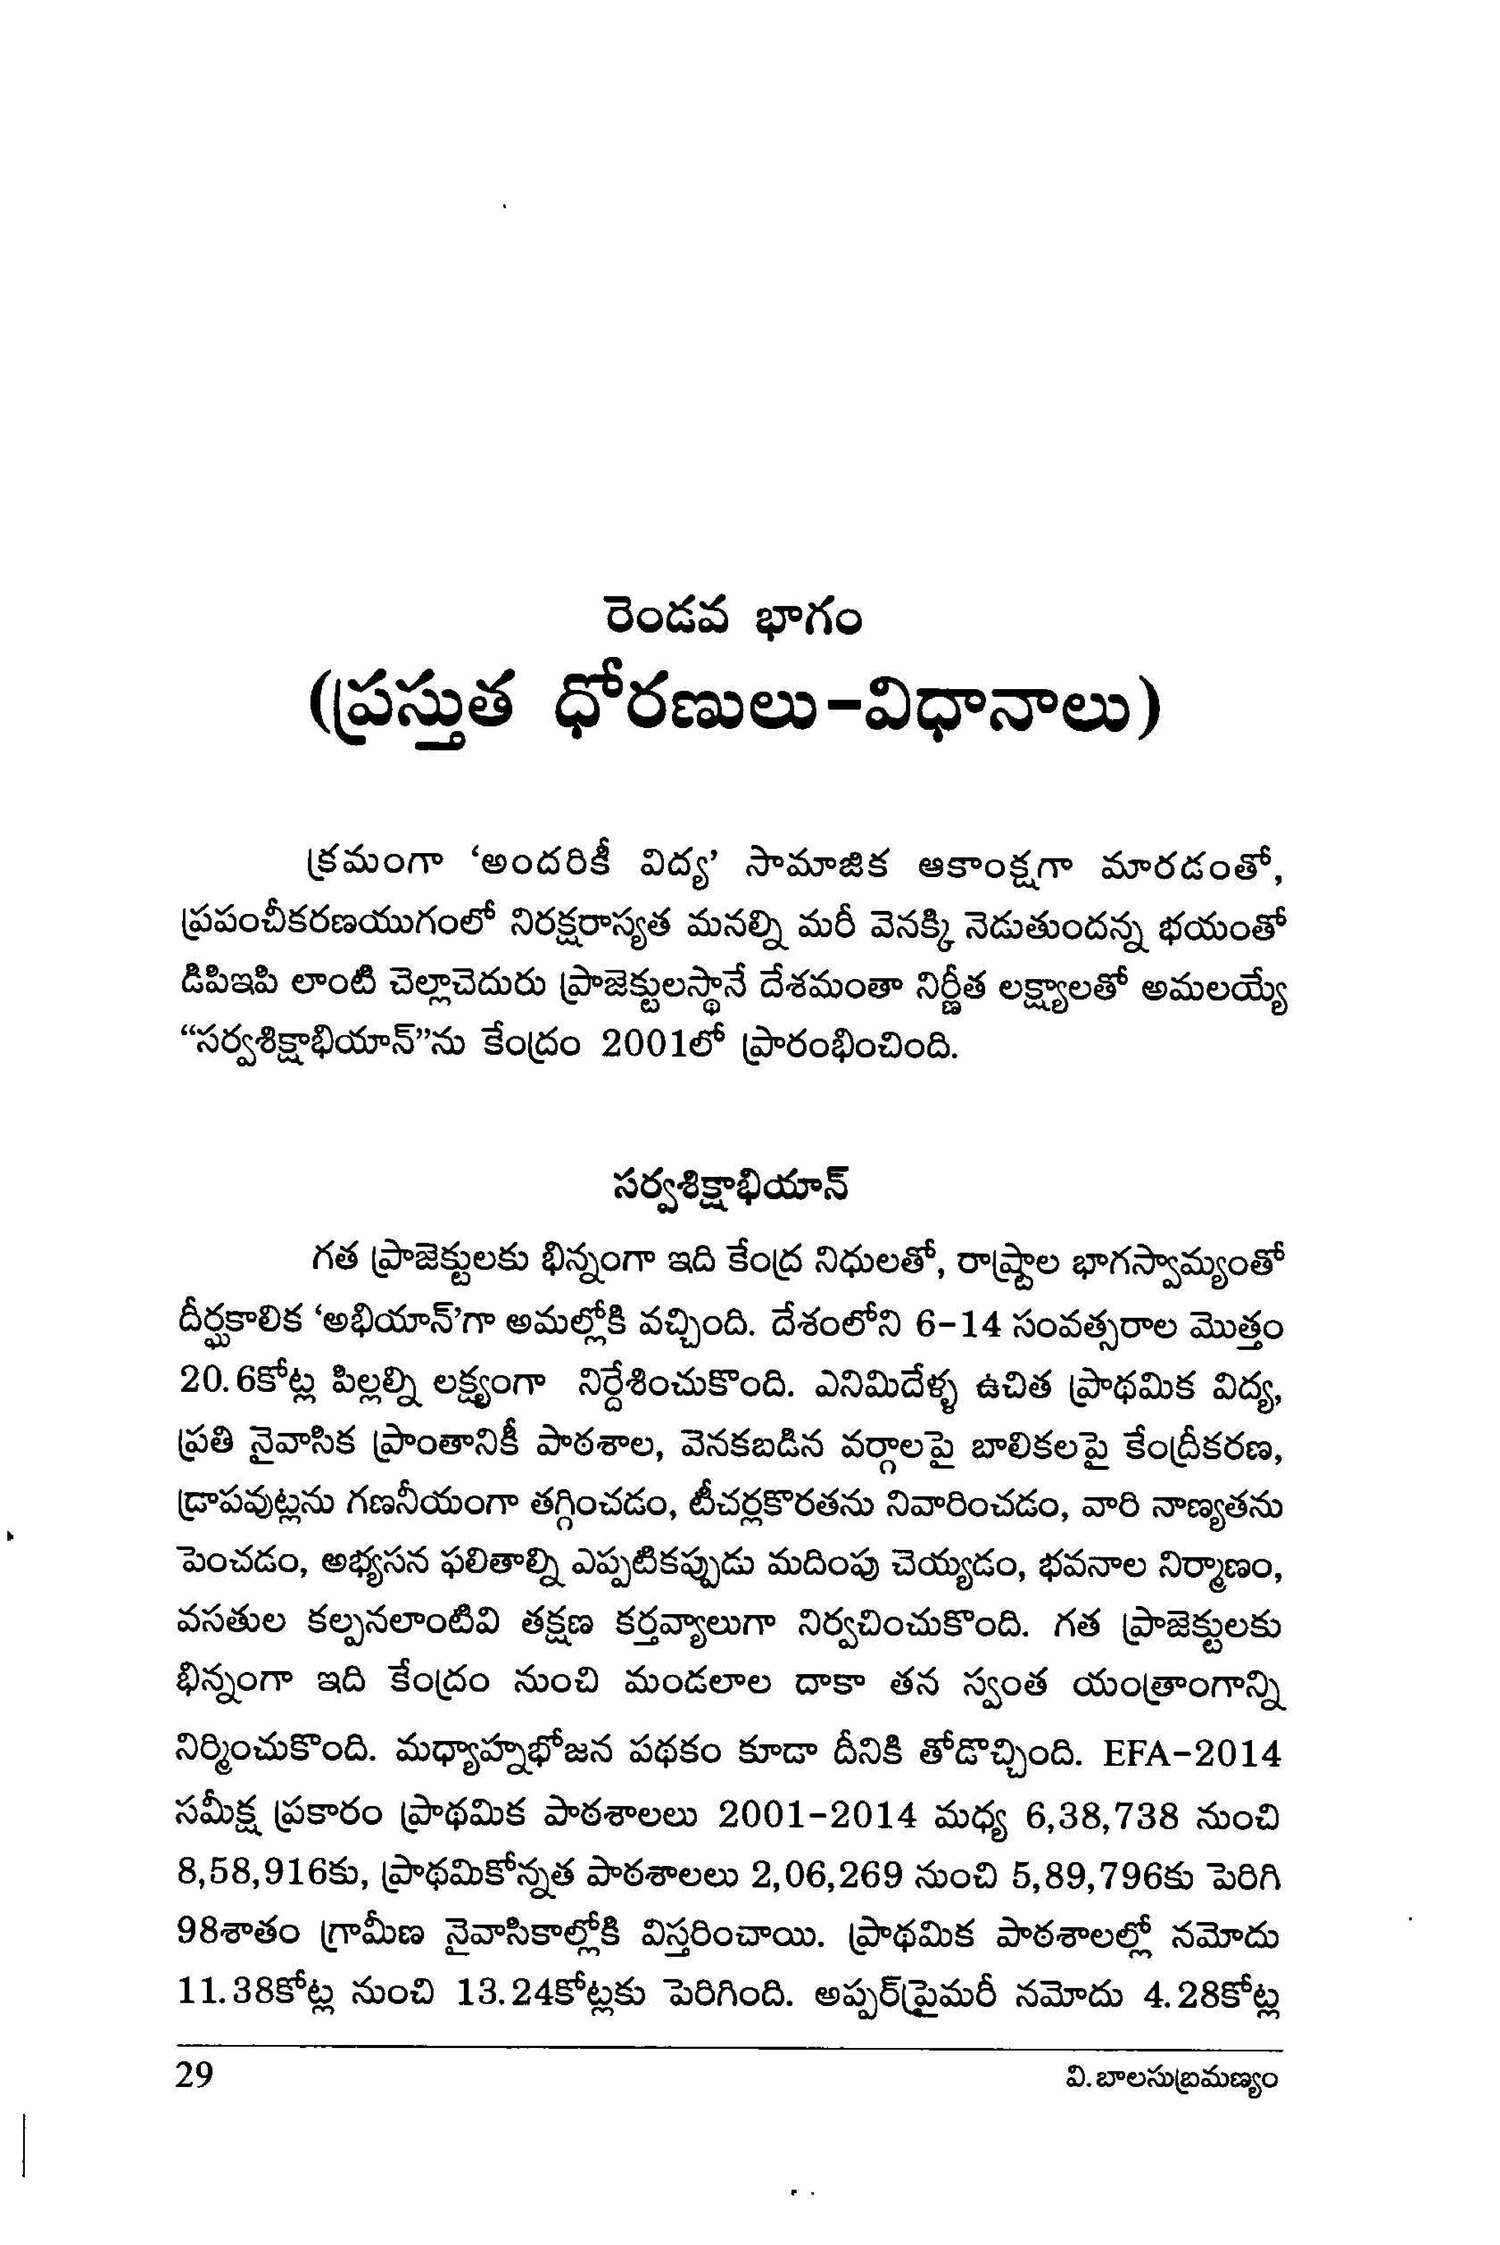క్రమంగా 'అందరికీ విద్య' సామాజిక ఆకాంక్షగా మారడంతో, ప్రపంచీకరణ యుగంలో నిరక్షరాస్యత మనల్ని మరీ వెనక్కి నెడుతుందన్న భయంతో డిపిఇపి లాంటి చెల్లాచెదురు ప్రాజెక్టుల స్థాయిలో దేశమంతా నిర్ణీత లక్ష్యాలతో అమలయ్యే "సర్వశిక్షాభియాన్"ను కేంద్రం 2001లో ప్రారంభించింది.

గత ప్రాజెక్టులకు భిన్నంగా ఇది కేంద్ర నిధులతో, రాష్ట్రాల భాగస్వామ్యంతో దీర్ఘకాలిక 'అభియాన్'గా అమల్లోకి వచ్చింది. దేశంలోని 6-14 సంవత్సరాల మొత్తం 20.6 కోట్లు పిల్లల్ని లక్ష్యంగా నిర్దేశించుకుంది. ఎనిమిదేళ్ల ఉచిత ప్రాథమిక విద్య, ప్రతి నివాస ప్రాంతానికి పాఠశాల కల్పించడం, వెనకబడిన వర్గాలపై, బాలికలపై కేంద్రీకరణ, డ్రాప్‌అవుట్లను గణనీయంగా తగ్గించడం, టీచర్ల కొరతను నివారించడం, వారి నాణ్యతను పెంచడం, అభ్యసన ఫలితాలను ఎప్పటికప్పుడు మదింపు చేయడం, భవనాల నిర్మాణం, వసతుల కల్పనలాంటివి తక్షణ కర్తవ్యాలుగా నిర్వచించింది. గత ప్రాజెక్టులకు భిన్నంగా ఇది కేంద్రం నుంచి మండలాల దాకా తన స్వంత యంత్రాంగాన్ని నిర్మించింది. మధ్యాహ్న భోజన పథకం కూడా దీనికి తోడుగా నిలిచింది. EFA-2014 సమీక్ష ప్రకారం ప్రాథమిక పాఠశాలలు 2001-2014 మధ్య 6,38,738 నుంచి 8,58,916కి, ప్రాథమికోన్నత పాఠశాలలు 2,06,269 నుంచి 5,89,796కి పెరిగి 98 శాతం గ్రామీణ నివాస ప్రాంతాల్లోకి విస్తరించాయి. ప్రాథమిక పాఠశాలల్లో నమోదు 11.38 కోట్లు నుంచి 13.24 కోట్లకు పెరిగింది. అప్పర్ ప్రాథమరీ నమోదు 4.28 కోట్లు